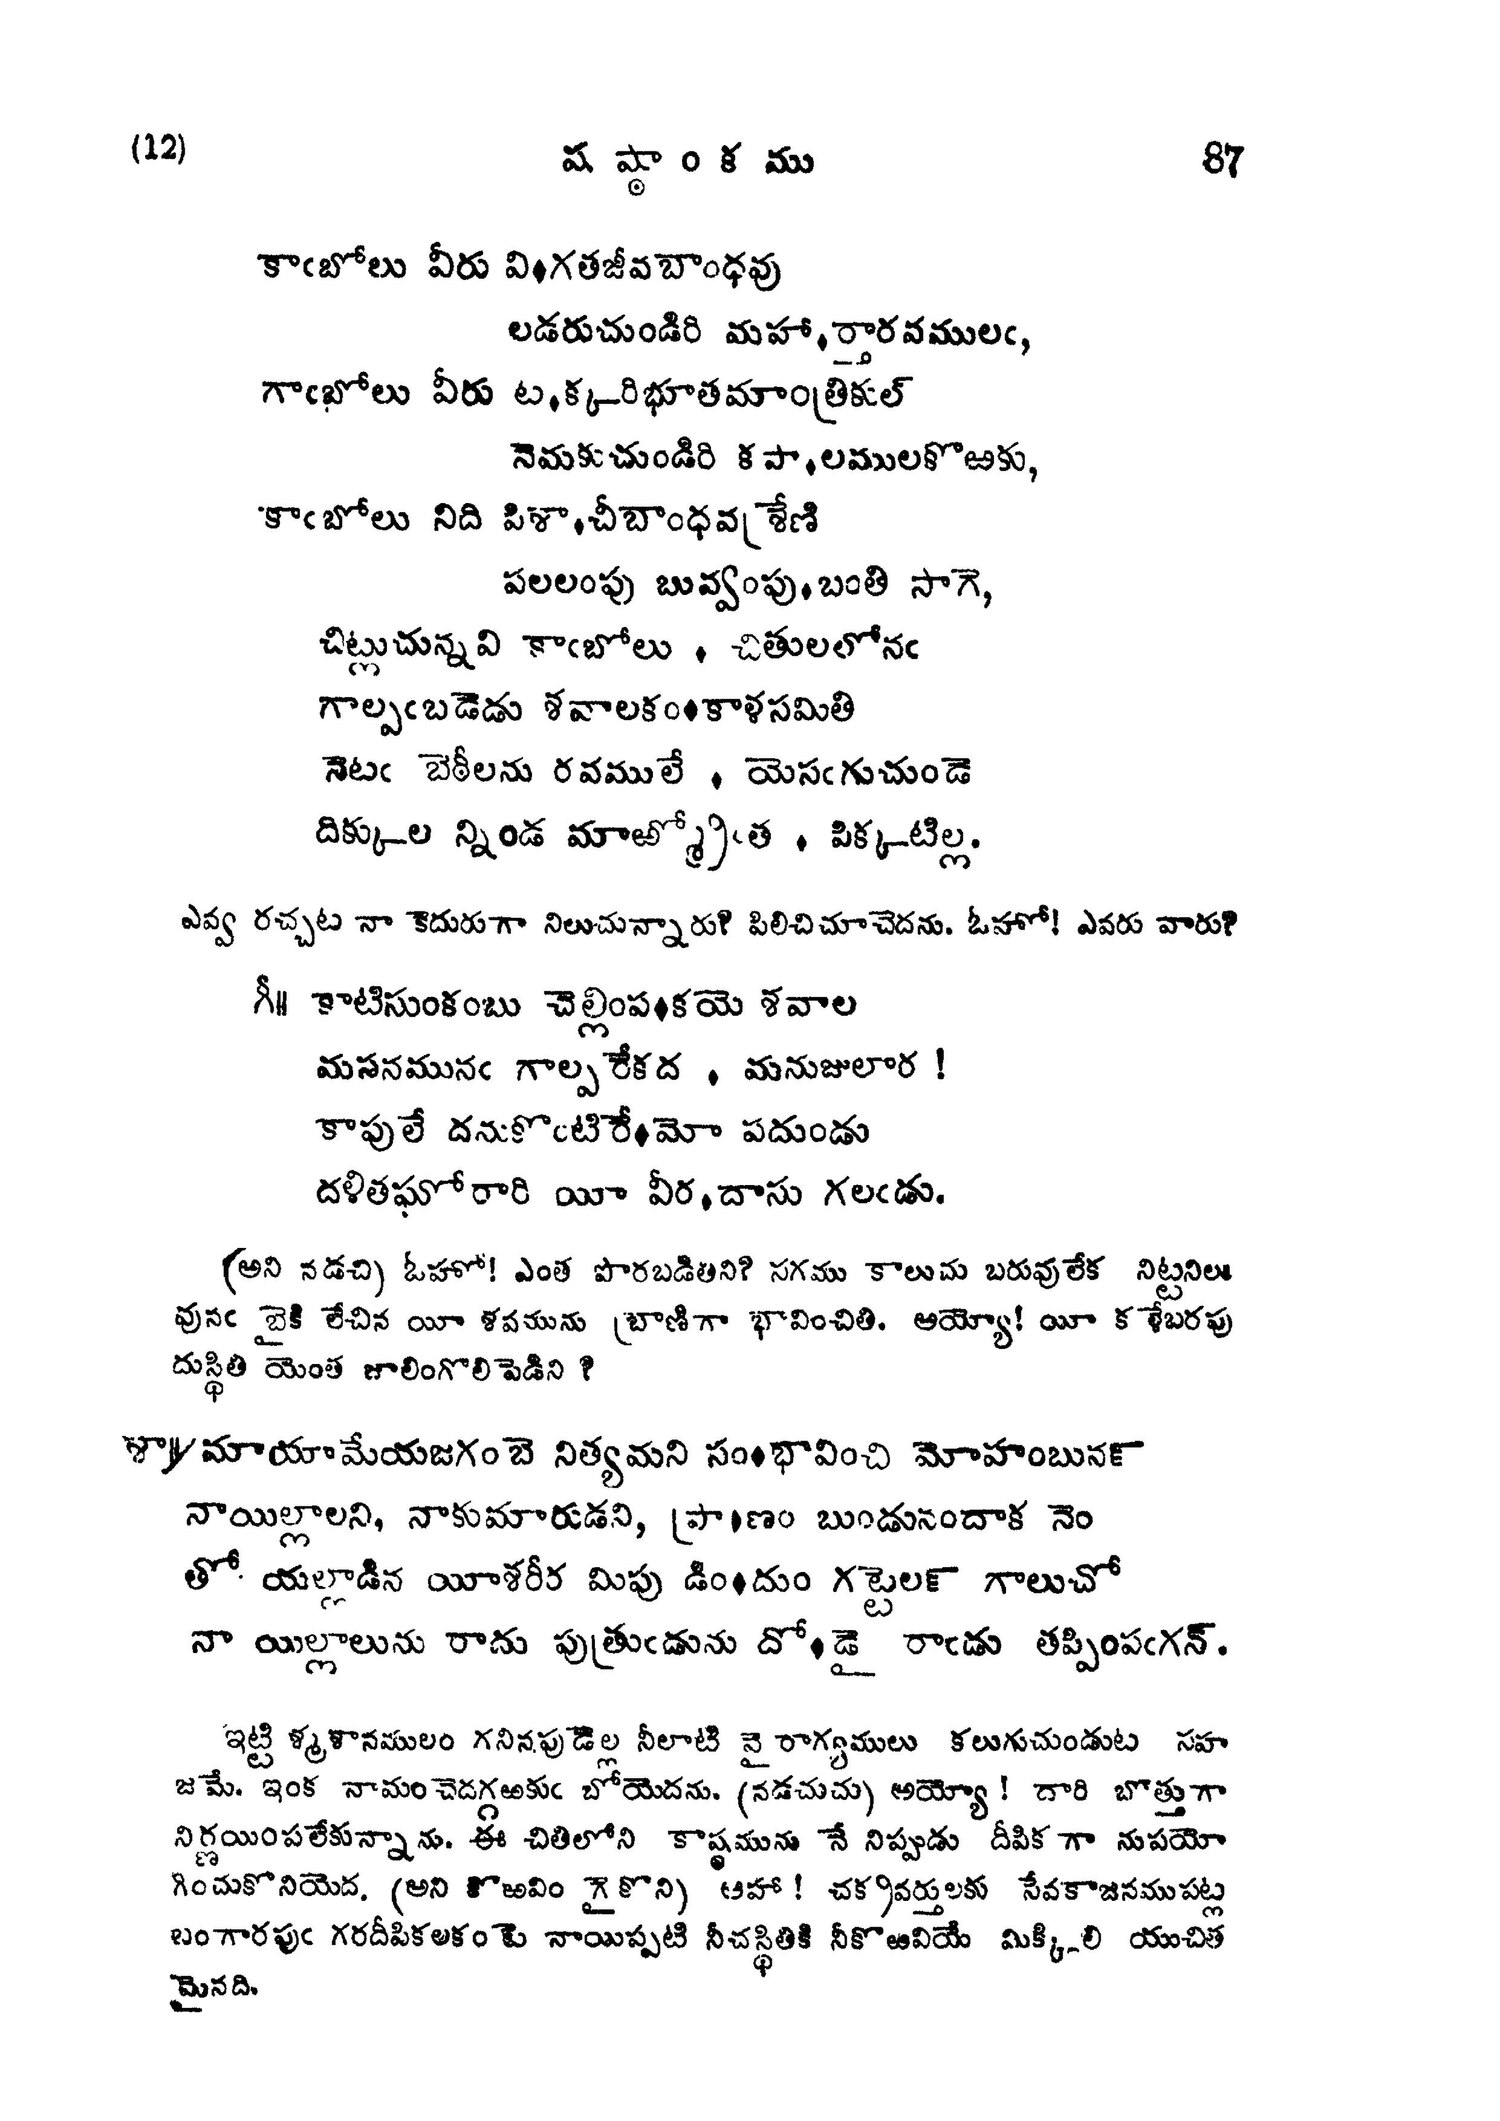కాఁబోలు వీరు విగత జీవబాంధవు
 లడలుచుండిరి మహార్తారవములఁ
గాఁబోలు వీరు టక్కరి భూతమాంత్రికుల్‌
 నెమకుచుండిరి కపాలముల కొఱకు
గాఁబోలు నిది పిశాచీబాంధవ శ్రేణి
 పలలంపు బువ్వంపు బంతి సాగెఁ

 	 చిట్లుచున్నవి కాఁబోలు చితులలోనఁ
 గాల్పఁబడెడు శవాల కంకాళ సమితి
 నెటఁ బెఠీలను రవములే యొసఁగుచుండు
 దిక్కులన్నిండ మార్మోగింత పిక్కటిల్ల.

ఎవరచ్చట! నాకెదురుగా నిలుచున్నారు. పిలిచి చూచెదను. ఓహో, ఎవరు వారు?

గీ. 	కాటిసుంకంబు చెల్లింపకయె శవాల
మసనమునఁ గాల్పరే కద మనుజులార?
కాఁపు లేదనుకొంటిరేమో పదండు
దళిత ఘోరారి యీ వీరదాసు గలఁడు.

(అని నడచి) ఓహో! ఎంతపొరబడితిని? సగము కాలుచు బరువులేక నిట్టనిలువునఁ బైకిలేచిన యీ శవమును బ్రాణిగా భావించితిని. అయ్యో! ఈ కళేబరపు దుస్థితి యెంత జాలిం గొలిపెడిని.

శా. 	మాయామేయజగంబె నిత్యమని సంభావించి మోహంబునన్‌
నా యిల్లాలని నా కుమారుఁడని ప్రాణంబుండునందాఁక నెం
తో యల్లాడిన యీ శరీర మిపుడిందుం గట్టెలం గాలుచో
నా యిల్లాలును రాదు పుత్రుఁడును దోఁడైరాఁడు తప్పింపగన్‌.

ఇట్టి శ్మశానములం గనినపుడెల్ల నీలాటి వైరాగ్యములు కలుగుచుండుట సహజమే. ఇంక నా మంచె దగ్గఱకు బోయెదను. (నడుచుచు) అయ్యో! దారి బొత్తుగా నిర్ణయింపలేకున్నాను. ఈ చేతిలోని కాష్ఠమును నేనిప్పుడు దీపముగా నుపయోగించుకొనియెద. (అని కొఱవింగైకొని) ఆహా, చక్రవర్తులకు సేవకాజనముపట్ల బంగారపుంగర దీపికలకంటె నా యిప్పటి నీచస్థితికి నీ కొఱవియే మిక్కిలి యుచితమైనది.